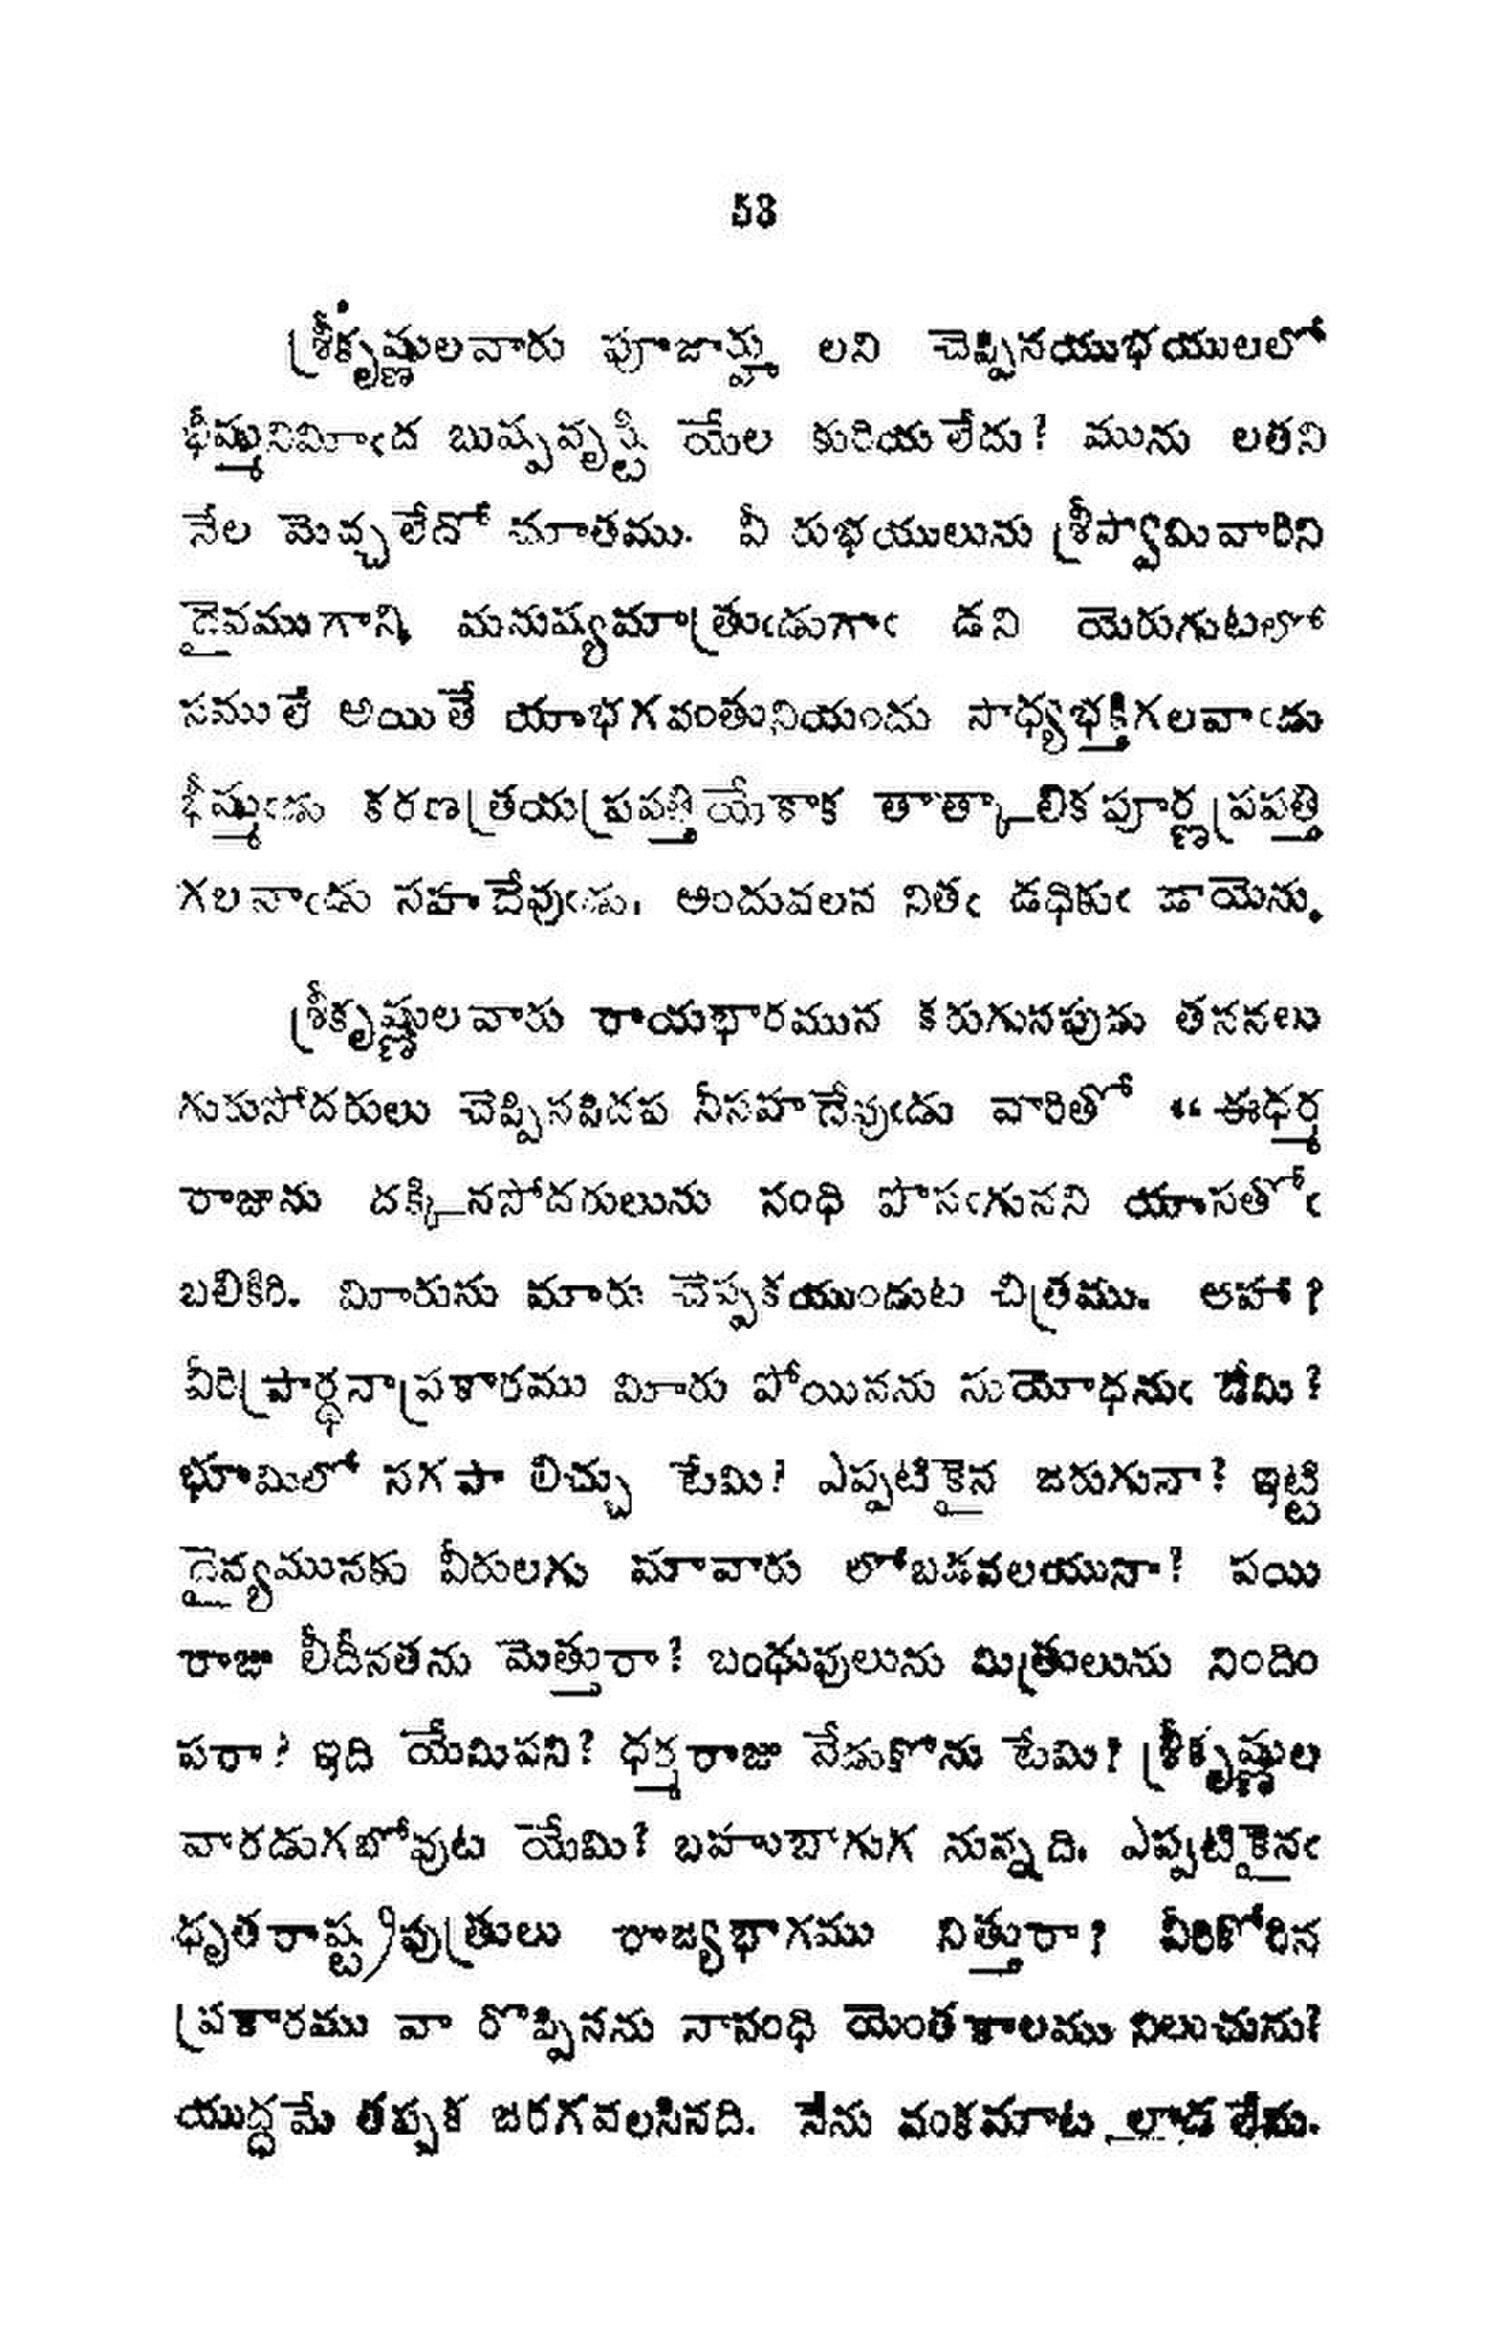శ్రీకృష్ణులవారు పూజార్హు లని చెప్పినయుభయులలో భీష్మునిమీఁద బుష్పవృష్టి యేల కురియలేదు ? మును లతని నేల మెచ్చలేదో చూతము. వీ రుభయులును శ్రీస్వామివారిని దైవముగాని, మనుష్యమాత్రుఁడుగాఁ డని యెరుగుటలో సములే అయితే యాభగవంతునియందు సాధ్యభక్తిగలవాఁడు భీష్ముడు కరణత్రయప్రపత్తియేకాక తాత్కాలికపూర్ణప్రపత్తి గలనాఁడు సహదేవుఁడు. అందువలన నితఁ డధికుఁ డాయెను.

శ్రీకృష్ణులవారు రాయభారమున కరుగునపుడు తననలుగురుసోదరులు చెప్పినపిదప నీసహదేవుఁడు వారితో "ఈధర్మరాజును దక్కినసోదరులును సంధి పొసఁగునని యాసతోఁ బలికిరి. మీరును మారు చెప్పకయుండుట చిత్రము. ఆహా ? వీరిప్రార్థనాప్రకారము మీరు పోయినను సుయోధనుఁ డేమి ? భూమిలో సగపా లిచ్చు టేమి? ఎప్పటికైన జరుగునా ! ఇట్టి దైన్యమునకు వీరులగు మావారు లోబడవలయునా ? పయి రాజు లీదీనతను మెత్తురా ? బంధువులును మిత్రులును నిందింపరా ? ఇది యేమిపని ? ధర్మరాజు వేడుకొను టేమి? శ్రీకృష్ణుల వారడుగబోవుట యేమి? బహుబాగుగ నున్నది. ఎప్పటికైనఁ ధృతరాష్ట్రపుత్రులు రాజ్యభాగము నిత్తురా! వీరికోరిన
ప్రకారము వా రొప్పినను నాసంధి యెంతకాలము నిలుచును? యుద్ధమే తప్పక జరగవలసినది. నేను వంకమాట లాడలేను.